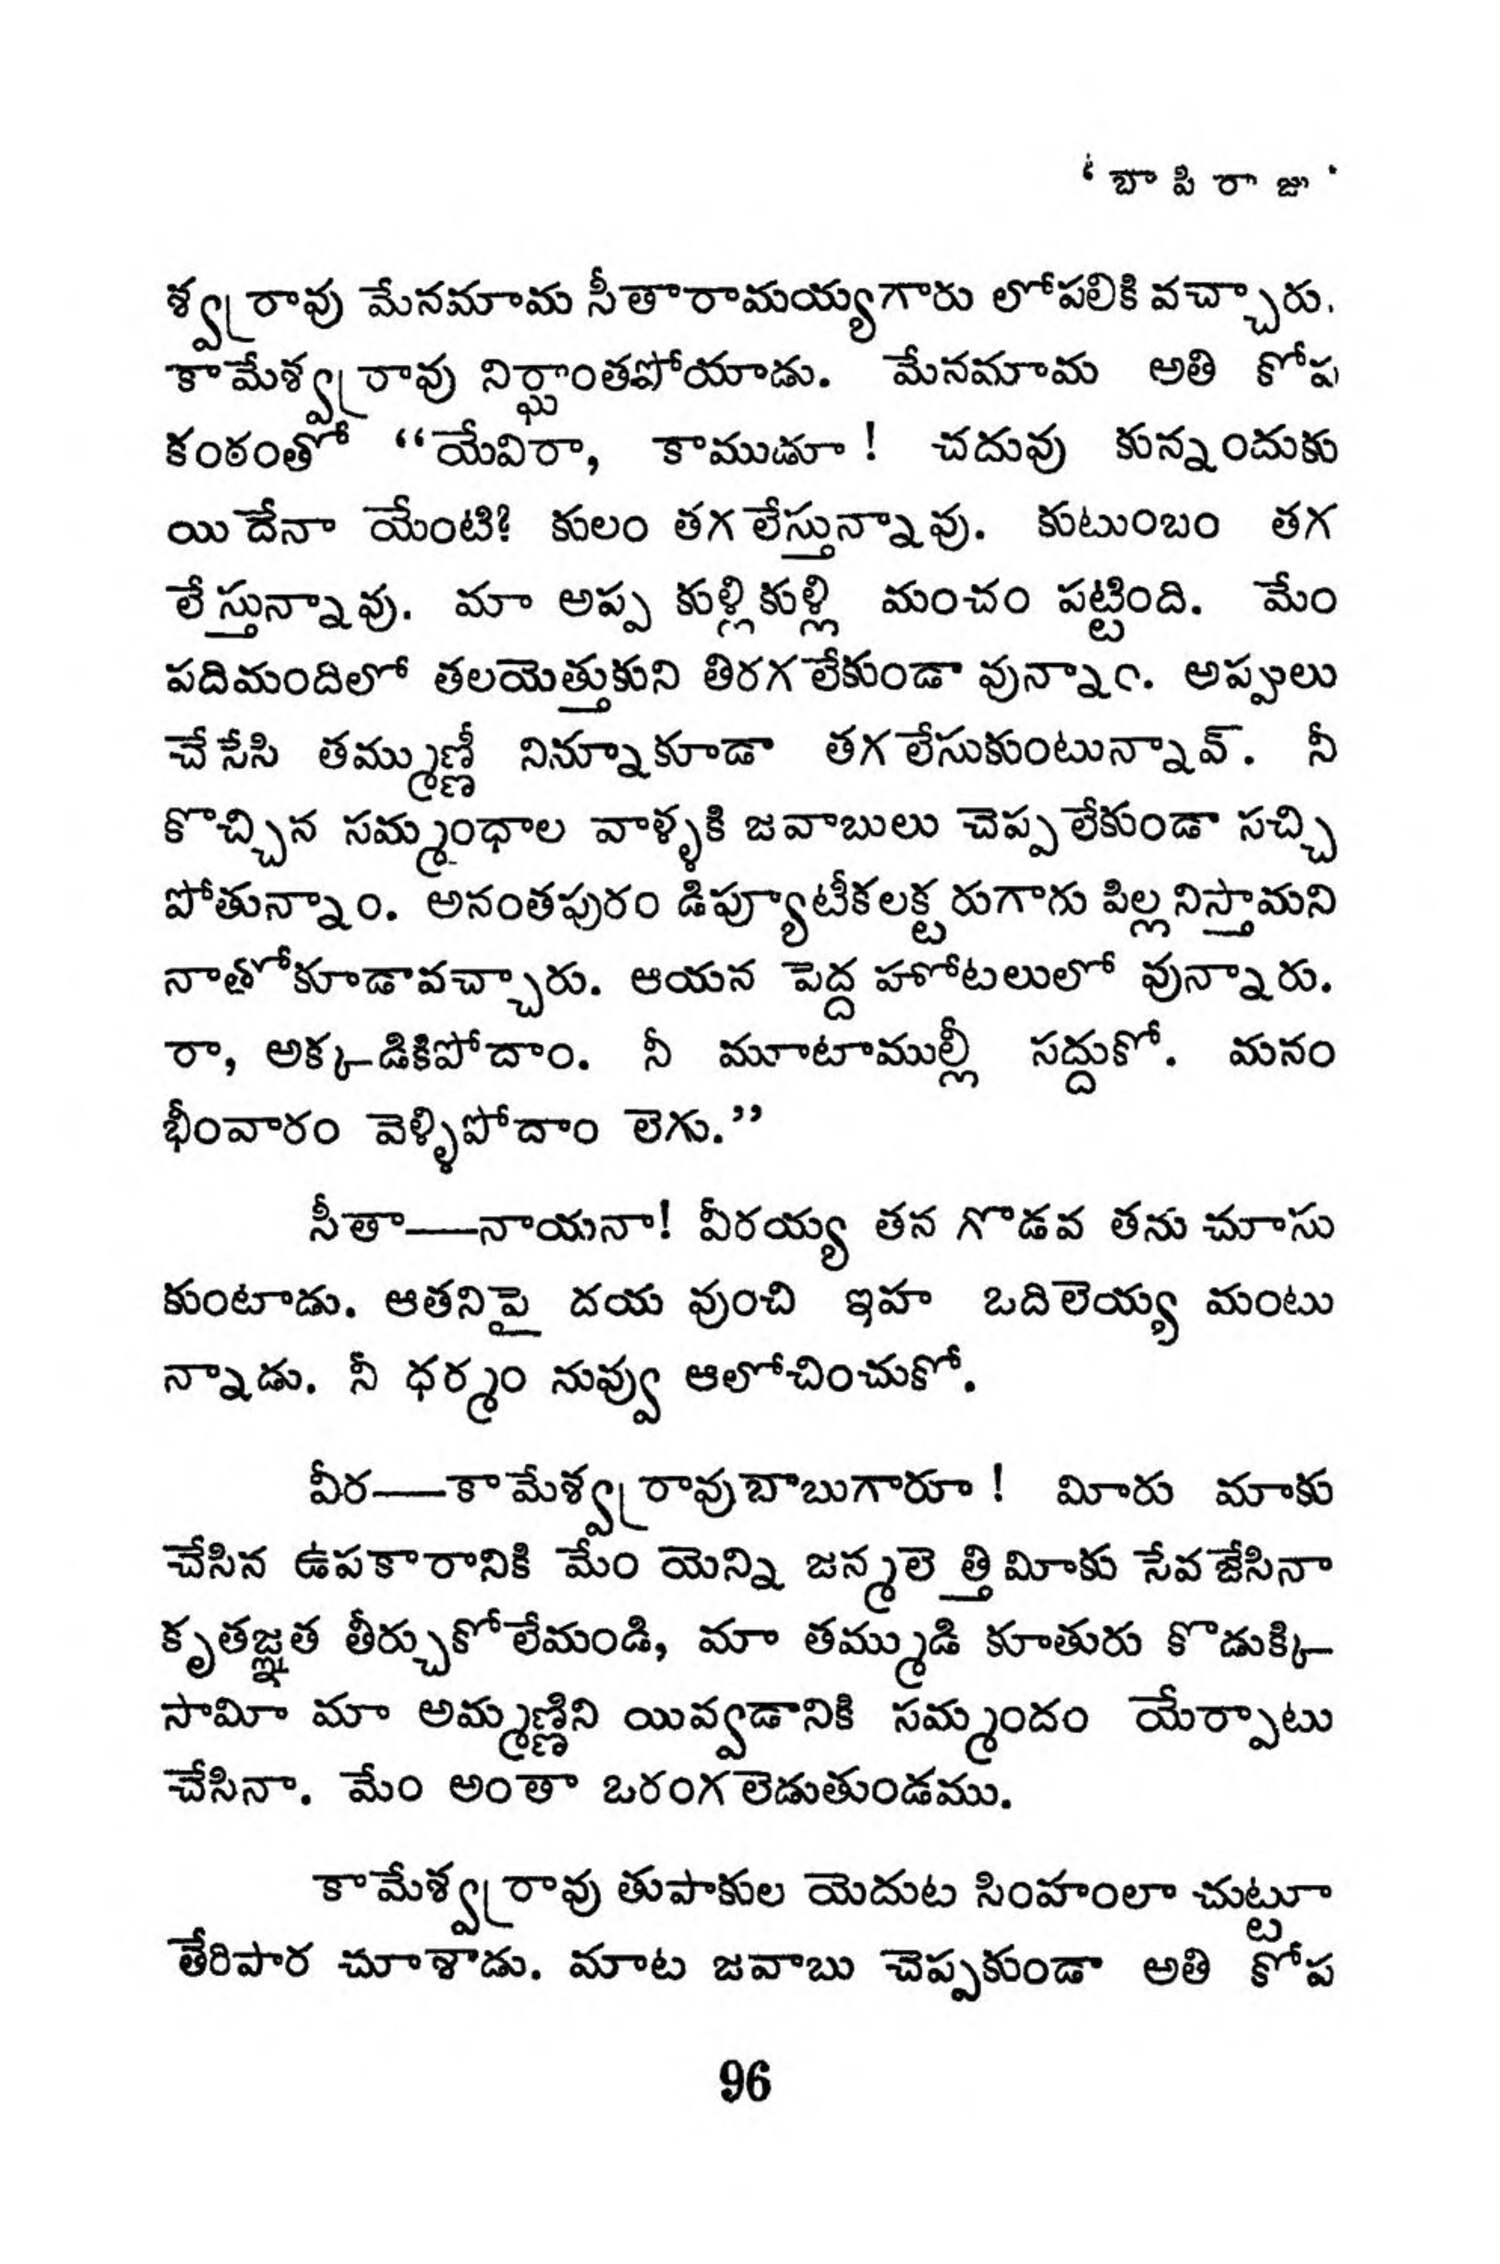శ్వర్రావు మేనమామ, సీతారామయ్యగారు లోపలికివచ్చారు. కామేశ్వర్రావు నిర్ఘాంతపోయాడు. మేనమామ అతి కోప కంఠంతో "యేవిరా, కాముడూ ! చదువు కున్నందుకు యిదేనా యేంటి? కులం తగలేస్తున్నావు. కుటుంబం తగలేస్తున్నావు. మా అప్ప కుళ్లికుళ్లి మంచం పట్టింది. మేం పదిమందిలో తలయెత్తుకుని తిరగ లేకుండా వున్నాం. అప్పులు చేసేసి తమ్ముణ్ణీ నిన్నూకూడా తగలేసుకుంటున్నావ్. నీ కొచ్చిన సమ్మంధాల వాళ్ళకి జవాబులు చెప్పలేకుండా సచ్చిపోతున్నాం. అనంతపురం డిప్యూటీకలక్టరుగారు పిల్లనిస్తామని నాతోకూడావచ్చారు. ఆయన పెద్ద హోటలులో వున్నారు. రా, అక్కడికిపోదాం. నీ మూటాముల్లీ సద్దుకో. మనం భీంవారం వెళ్ళిపోదాం లెగు."

సీతా -- నాయనా! వీరయ్య తన గొడవ తను చూసుకుంటాడు. ఆతనిపై దయ వుంచి ఇహ ఒదిలెయ్య మంటున్నాడు. నీ ధర్మం నువ్వు ఆలోచించుకో.

వీర -- కామేశ్వర్రావుబాబుగారూ! మీరు మాకు చేసిన ఉపకారానికి మేం యెన్ని జన్మలెత్తి మీకు సేవజేసినా కృతజ్ఞత తీర్చుకోలేమండి, మా తమ్ముడి కూతురు కొడుక్కి సామీ మా అమ్మణ్ణిని యివ్వడానికి సమ్మందం యేర్పాటు చేసినా. మేం అంతా ఒరంగలెడుతుండము.

కామేశ్వర్రావు తుపాకుల యెదుట సింహంలా చుట్టూ తేరిపార చూశాడు. మాట జవాబు చెప్పకుండా అతి కోప